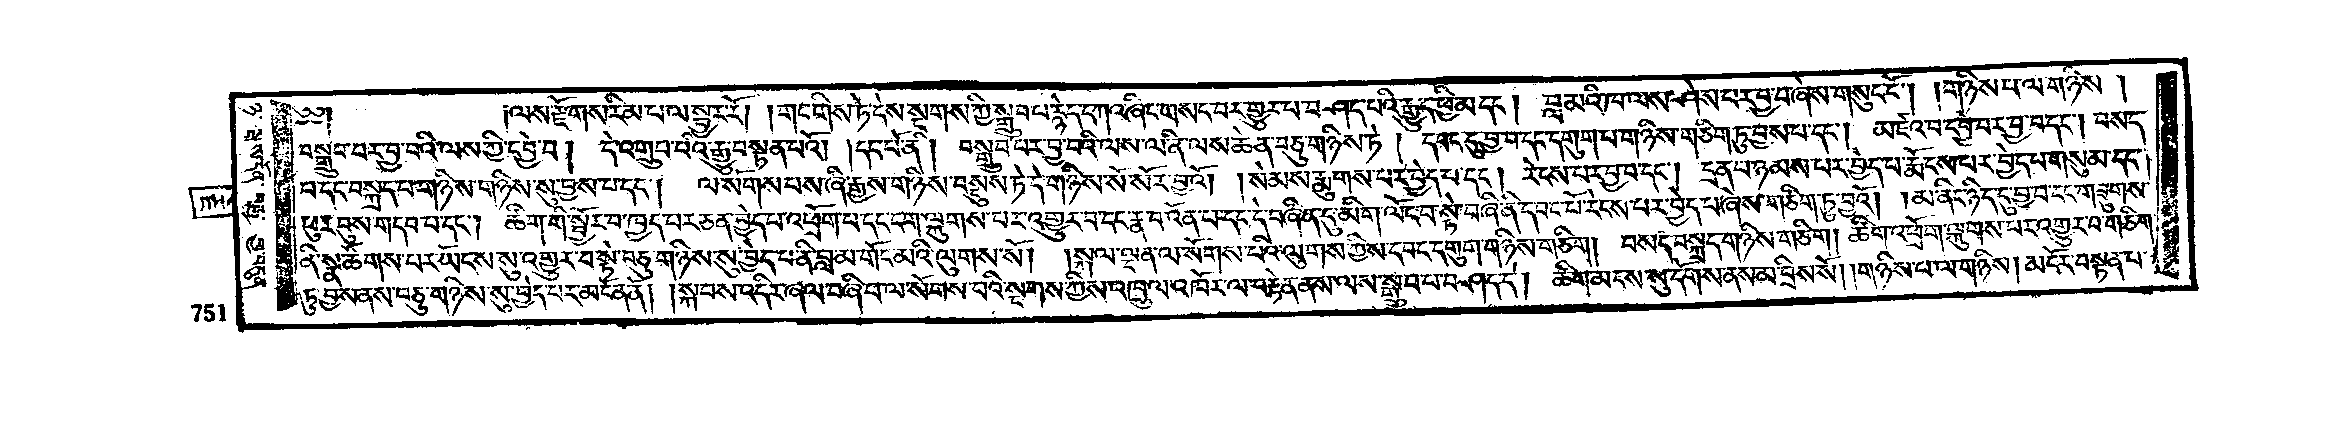༄༅། །ལས་རྫོགས་རིམ་པ་ལ་སྦྱར་རོ། །གང་གིས་ཏེ་དེས་སྔགས་ཀྱི་སྒྲུབ་པ་རྙེད་དཀའ་ཞིང་གསང་བར་གྱུར་པ་བཤད་པའི་རྒྱུད་ཕྱི་མ་དང་། བླ་མའི་ཁ་ལས་ཤེས་པར་བྱ་བ་ཞེས་གསུང་ངོ། །གཉིས་པ་ལ་གཉིས།
བསྒྲུབ་པར་བྱ་བའི་ལས་ཀྱི་དབྱེ་བ། དེ་འགྲུབ་པའི་རྒྱུ་བསྟན་པའོ། །དང་པོ་ནི། བསྒྲུབ་པར་བྱ་བའི་ལས་ལ་ནི་ལས་ཆེན་བཅུ་གཉིས་ཏེ། དབང་དུ་བྱ་བ་དང་དགུག་པ་གཉིས་གཅིག་ཏུ་བྱས་པ་དང་། མཛའ་བ་དབྱེ་བར་བྱ་བ་དང་། བསད་
པ་དང་བསྐྲད་པ་གཉིས་གཉིས་སུ་བྱས་པ་དང་། ལ་སོགས་པས་ཞི་རྒྱས་གཉིས་བསྡུས་ཏེ་དེ་གཉིས་སོ་སོར་བྱའོ། །སེམས་རྨུགས་པར་བྱེད་པ་དང་། རེངས་པར་བྱ་བ་དང་། དྲན་པ་ཉམས་པར་བྱེད་པ་རྨོངས་པར་བྱེད་པ་གསུམ་དང་།
ཕུར་བུས་གདབ་པ་དང་། ཚིག་གི་སྦྱོར་བ་ཁྱད་པར་ཅན་བྱེད་པ་འཕྲོག་པ་དང་ངག་ལྐུགས་པར་འགྱུར་བ་དང་རྣ་བ་འོན་པ་དང་དེ་བཞིན་དུ་མིག་ལོང་བ་སྟེ་བཞི་ནི་དབང་པོ་རེངས་པར་བྱེད་པ་ཞེས་གཅིག་ཏུ་བྱའོ། །མ་ནིང་ཉིད་དུ་བྱ་བ་དང་གཟུགས་
ནི་སྣ་ཚོགས་པར་ཡོངས་སུ་འགྱུར་བ་སྟེ་བཅུ་གཉིས་སུ་བྱེད་པ་ནི་བླ་མ་གོང་མའི་ལུགས་སོ། །སྐལ་ལྡན་ལ་སོགས་པའི་ལུགས་ཀྱིས་དབང་དགུག་གཉིས་གཅིག །བསད་བསྐྲད་གཉིས་གཅིག །ཚིག་འཕྲོག་ལྐུགས་པར་འགྱུར་བ་གཅིག་
ཏུ་བྱས་ནས་བཅུ་གཉིས་སུ་བྱེད་པར་མངོན་ནོ། །སྐབས་འདིར་ཞལ་བཞི་པ་ལ་སོགས་པའི་སྔགས་ཀྱིས་འཁྲུལ་འཁོར་ལ་བརྟེན་ནས་ལས་སྒྲུབ་པ་བཤད་དེ། ཚིག་མངས་སུ་དོགས་ནས་མ་བྲིས་སོ། །གཉིས་པ་ལ་གཉིས། མདོར་བསྟན་པ་